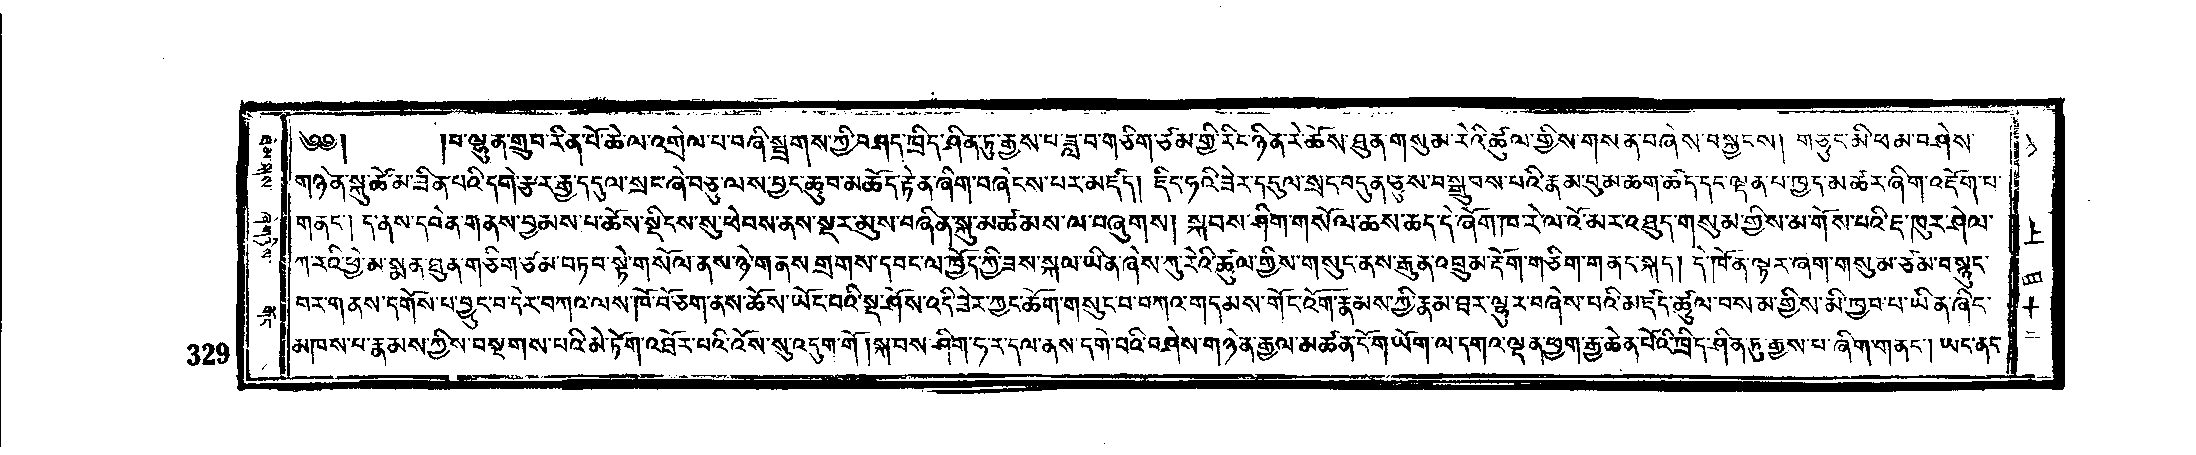༄༅། །བ་ལྷུན་གྲུབ་རིན་པོ་ཆེ་ལ་འགྲེལ་པ་བཞི་སྦྲགས་ཀྱི་བཤད་ཁྲིད་ཤིན་ཏུ་རྒྱས་པ་ཟླ་བ་གཅིག་ཙམ་གྱི་རིང་ཉིན་རེ་ཆོས་ཐུན་གསུམ་རེའི་ཚུལ་གྱིས་གསན་བཞེས་བསྐྱངས། གཅུང་མི་ཕམ་བཤེས་
གཉེན་སྐུ་ཚེ་མ་ཟིན་པའི་དགེ་རྩར་རྒྱ་དངུལ?་སྲང་ཞེ་བཅུ་ལས་བྱང་ཆུབ་མཆོད་རྟེན་ཞིག་བཞེངས་པར་མཛད། ཇིང་ཧའི་ཟེར་དངུལ་སྲད་བདུན་ཅུས་བསྒྲུབས་པའི་རྣམ་བུམ་ཆག་ཚད་དང་ལྡན་པ་ཁྱད་མཚར་ཞིག་འཇོག་པ་
གནང་། ད་ནས་དབེན་གནས་བྱམས་པ་ཆོས་སྡིངས་སུ་ཕེབས་ནས་སྔར་མུས་བཞིན་སྐུ་མཚམས་ལ་བཞུགས། སྐབས་ཤིག་གསོལ་ཆས་ཆད་དེ་ཞོག་ཁ་རེ་ལ་འོ་མར་འཐུད་གསུམ་གྱིས་མ་གོས་པའི་ཇ་ཁུར་ཤེལ་
ཀ་རའི་ཕྱེ་མ་སྨན་ཐུན་གཅིག་ཙམ་བཏབ་སྟེ་གསོལ་ནས་ཉེ་གནས་གྲགས་དབང་ལ་ཁྱོད་ཀྱི་ཟས་སྐལ་ཡིན་ཞེས་ཀུ་རེའི་ཚུལ་གྱིས་གསུང་ནས་རྒུན་འབྲུམ་རྡོག་གཅིག་གནང་སྐད། དེ་ཁོ་ན་ལྟར་ཞག་གསུམ་ཙམ་བསྙུང་
བར་གནས་དགོས་པ་བྱུང་བ་དེར་བཀའ་ལས་ཁོ་བོ་ཅག་ནས་ཆོས་ཡོང་བའི་སྔ་ཤོས་འདི་ཟེར་ཀྱང་ཆོག་གསུང་བ་བཀའ་གདམས་གོང་འོག་རྣམས་ཀྱི་རྣམ་ཐར་ལྷུར་བཞེས་པའི་མཛད་ཚུལ་བསམ་གྱིས་མི་ཁྱབ་པ་ཡིན་ཞིང་
མཁས་པ་རྣམས་ཀྱིས་བསྔགས་པའི་མེ་ཏོག་འཐོར་པའི་འོས་སུ་འདུག་གོ །སྐབས་ཤིག་ཧ་ར་དལ་ནས་དགེ་བའི་བཤེས་གཉེན་རྒྱལ་མཚན་ངོ་གཡོག་ལ་དགའ་ལྡན་ཕྱག་རྒྱ་ཆེན་པོའི་ཁྲིད་ཤིན་ཏུ་རྒྱས་པ་ཞིག་གནང་། ཡང་ནང་